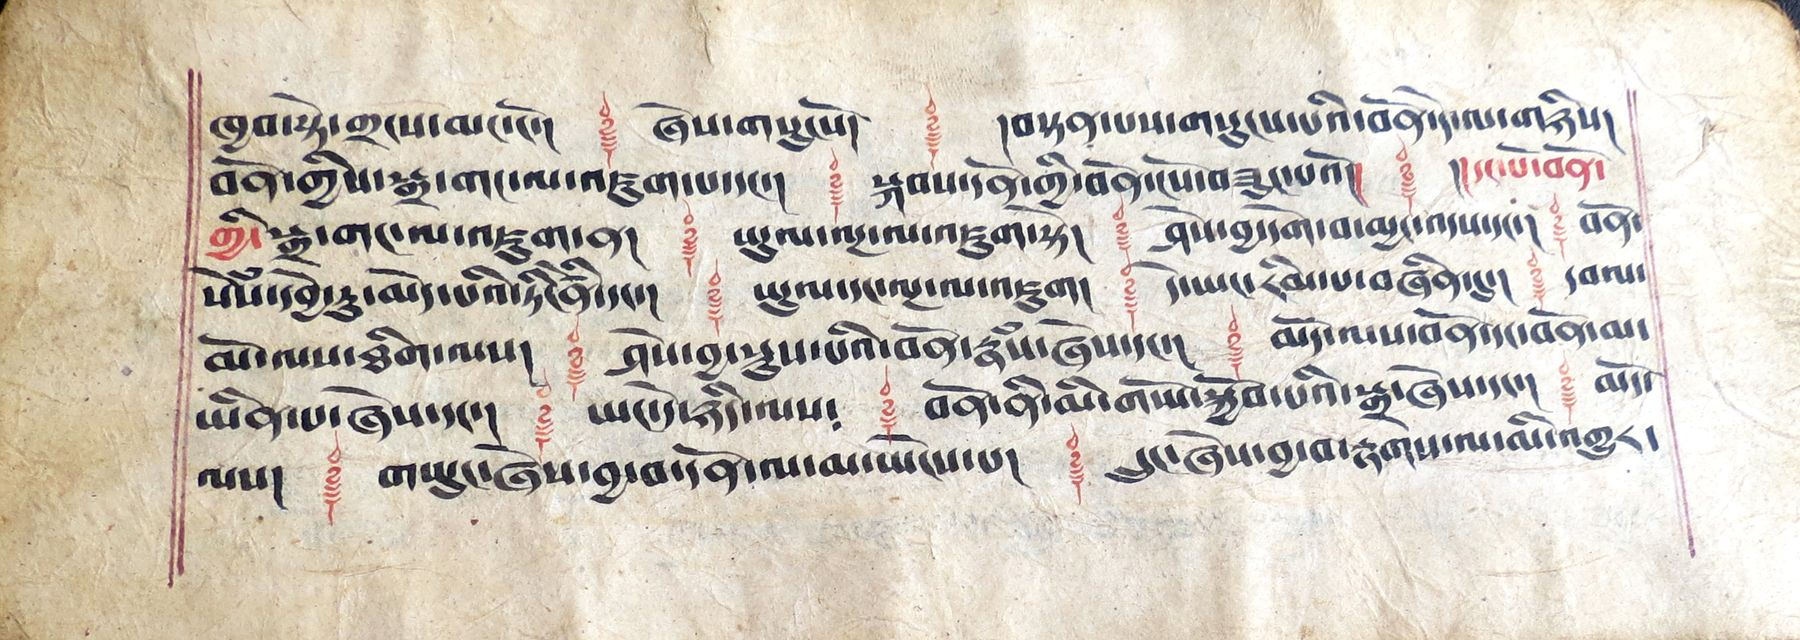ཁྱབ་སྟེ་གྲངས་མང་ངོ། ། ཞེས་གསུངས་སོ། ། སྟོན་པས་གསུངས་པའི་བོན་དེ་ལ་གཉིས། 
བོན་གྱི་སྒྲ་གང་ལ་འཇུག་པ་དང་། སྐབས་དོན་གྱི་བོན་ངོས་བཟུང་བའོ། ། དང་པོ་བོན་
གྱི་སྒྲ་གང་ལ་འཇུག་ན། ཡུལ་ལྔ་ལ་འཇུག་སྟེ། ཤེས་བྱ། དགེ་བ། མྱང་འདས། བོན་
སེམས་དབྱེ་རུ་མེད་པའི་ཏིང་ངེ་འཛིན་དང་། ཡུལ་དང་ལྔ་ལ་འཇུག དེ་ཡང་རིམ་པ་བཞིན་དུ། (དབལ་
མོ་ལས་ཐིག་ལས) ཤེས་བྱས་བསྡུས་པའི་བོན་རྣམས་ཞེས་དང་། (མདོ་ལས) བོན་དང་བོན་མ་
ཡིན་པ་ཞེས་དང་། (ཡང་དེ་ཉིད་ལས) བོན་ནི་མི་གཡོ་སྐྱོབ་པའི་སྒྲ་ཞེས་དང་། (མདོ་
ལས) གཡུང་ཞེས་བྱ་བ་དོན་ལ་མི་ཡེངས་པ། དྲུང་ཞེས་བྱ་བ་རྟགས་ལ་མི་འགྱུར་